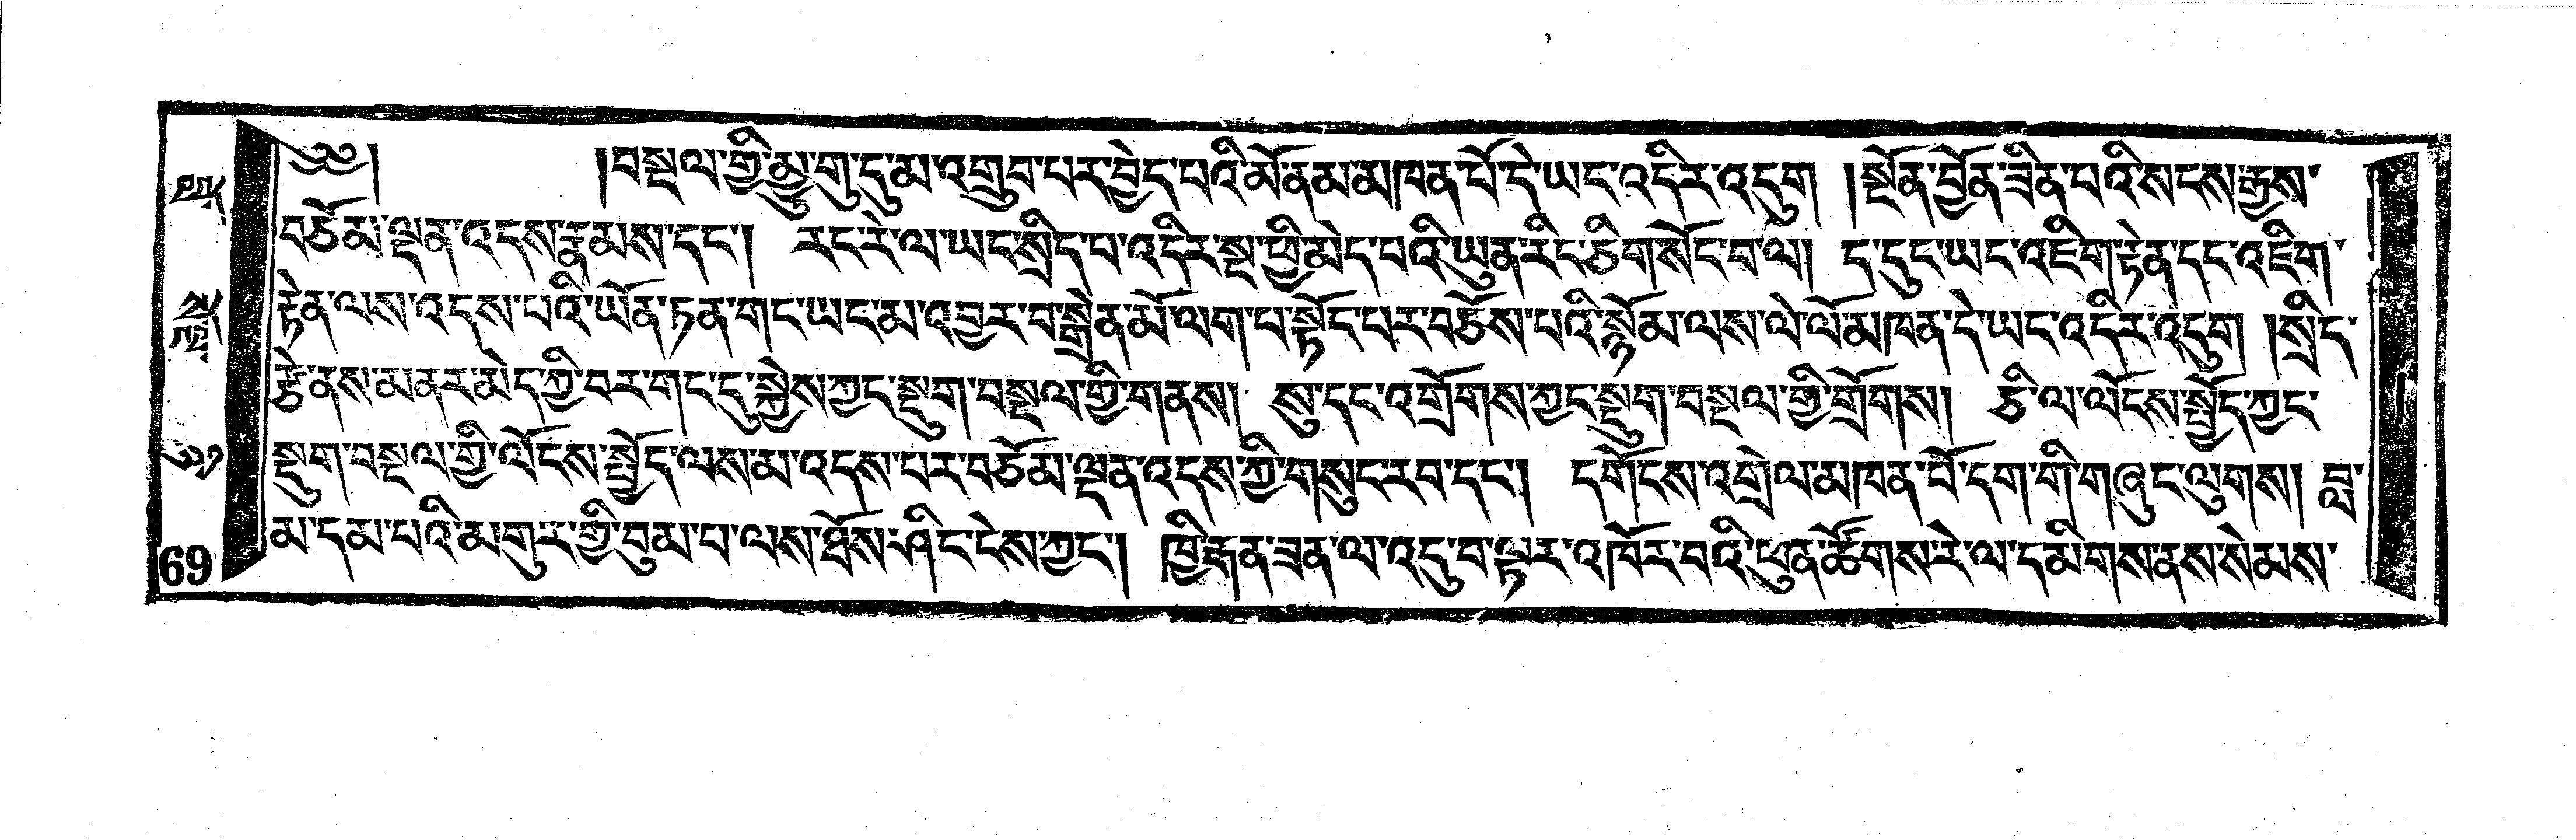༄༅། །བསྔལ་གྱི་མྱུ་གུ་དུ་མ་འགྲུབ་པར་བྱེད་པའི་མོ་ནམ་མཁན་པོ་དེ་ཡང་འདིར་འདུག །སྔོན་བྱོན་ཟིན་པའི་སངས་རྒྱས་
བཅོམ་ལྡན་འདས་རྣམས་དང་། རང་རེ་ལ་ཡང་སྲིད་པ་འདིར་སྔ་ཕྱི་མེད་པའི་ཡུན་རིང་ཅིག་སོང་བ་ལ། ད་དུང་ཡང་འཇིག་རྟེན་དང་འཇིག་
རྟེན་ལས་འདས་པའི་ཡོན་ཏན་གང་ཡང་མ་འབྱར་བ་སྒྲེན་མོ་ལག་པ་སྟོང་པར་བཅོས་པའི་སྙོམ་ལས་ལེ་ལོ་མཁན་དེ་ཡང་འདིར་འདུག །སྲིད་
རྩེ་ནས་མནར་མེད་ཀྱི་བར་གང་དུ་སྐྱེས་ཀྱང་སྡུག་བསྔལ་གྱི་གནས། སུ་དང་འགྲོགས་ཀྱང་སྡུག་བསྔལ་གྱི་གྲོགས། ཅི་ལ་ལོངས་སྤྱོད་ཀྱང་
སྡུག་བསྔལ་གྱི་ལོངས་སྤྱོད་ལས་མ་འདས་པར་བཅོམ་ལྡན་འདས་ཀྱི་གསུང་རབ་དང་། དགོངས་འགྲེལ་མཁན་པོ་དག་གི་གཞུང་ལུགས། བླ་
མ་དམ་པའི་མགུར་གྱི་བུམ་པ་ལས་ཐོས་ཤིང་ངེས་ཀྱང་། ཁྱི་རྒན་ཟན་ལ་འདུ་བ་ལྟར་འཁོར་བའི་ཕུན་ཚོགས་རེ་ལ་དམིགས་ནས་སེམས་